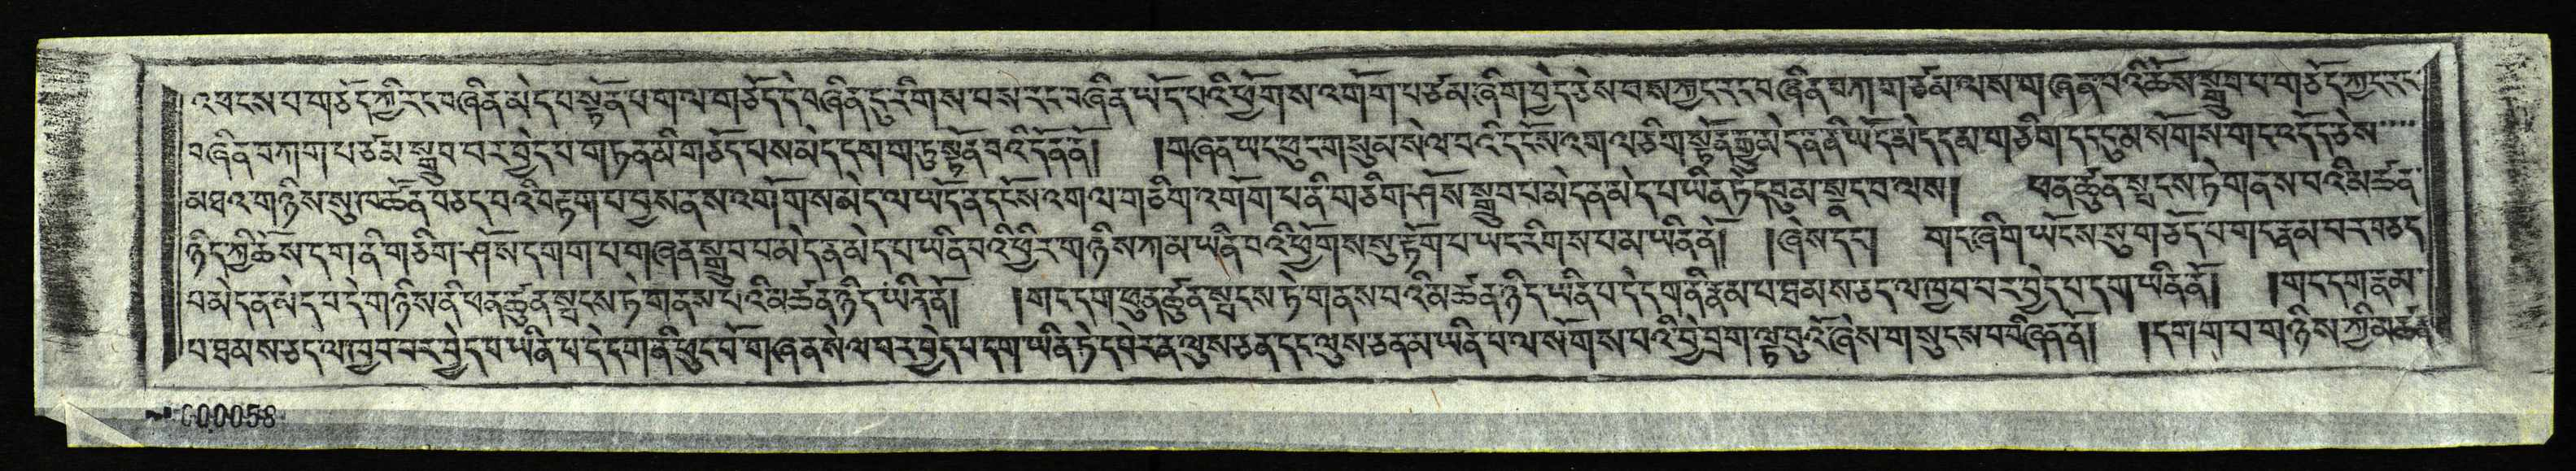འཕངས་པ་གཅོད་ཀྱི་རང་བཞིན་མེད་པ་སྟོན་པ་ག་ལ་གཅོད་དེ་བཞིན་དུ་རིགས་པས་རང་བཞིན་ཡོད་པའི་ཕྱོགས་འགོག་པ་ཙམ་ཞིག་བྱེད་ཅེས་པས་ཀྱང་རང་བཞིན་བཀག་ཙམ་ལས་གཞན་པའི་ཆོས་སྒྲུབ་པ་གཅོད་ཀྱང་རང་
བཞིན་བཀག་པ་ཙམ་སྒྲུབ་བར་བྱེད་པ་གཏན་མི་གཅོད་པས་མེད་དགག་ཏུ་སྟོན་པའི་དོན་ནོ། །གཞན་ཡང་ཕུང་གསུམ་སེལ་བའི་དངོས་འགལ་ཅིག་སྟོན་རྒྱུ་མེད་ན་ནི་ཡོད་མེད་དམ་གཅིག་དང་དུ་མ་སོགས་གང་འདོད་ཅེས་
མཐའ་གཉིས་སུ་ཁ་ཚོན་བཅད་བའི་བརྟག་པ་བྱས་ནས་འགོགས་མེད་ལ་ཡོད་ན་དངོས་འགལ་གཅིག་འགོག་པ་ནི་གཅིག་ཤོས་སྒྲུབ་པ་མེད་ན་མེད་པ་ཡིན་ཏེ་དབུ་མ་སྣང་བ་ལས། ཕན་ཚུན་སྤངས་ཏེ་གནས་པའི་མཚན་
ཉིད་ཀྱི་ཆོས་དག་ནི་གཅིག་ཤོས་དགག་པ་གཞན་སྒྲུབ་པ་མེད་ན་མེད་པ་ཡིན་པའི་ཕྱིར་གཉིས་ཀ་མ་ཡིན་པའི་ཕྱོགས་སུ་རྟོག་པ་ཡང་རིགས་པ་མ་ཡིན་ནོ། །ཞེས་དང་། གང་ཞིག་ཡོངས་སུ་གཅོད་པ་གང་རྣམ་པར་བཅད་
པ་མེད་ན་མེད་པ་དེ་གཉིས་ནི་ཕན་ཚུན་སྤངས་ཏེ་གནས་པའི་མཚན་ཉིད་ཡིན་ནོ། །གང་དག་ཕུན་ཚུན་སྤངས་ཏེ་གནས་པའི་མཚན་ཉིད་ཡིན་པ་དེ་དག་ནི་རྣམ་པ་ཐམས་ཅད་ལ་ཁྱབ་པར་བྱེད་པ་དག་ཡིན་ནོ། །གང་དག་རྣམ་
པ་ཐམས་ཅད་ལ་ཁྱབ་པར་བྱེད་པ་ཡིན་པ་དེ་དག་ནི་ཕུང་པོ་གཞན་སེལ་བར་བྱེད་པ་དག་ཡིན་ཏེ་དཔེར་ན་ལུས་ཅན་དང་ལུས་ཅན་མ་ཡིན་པ་ལ་སོགས་པའི་བྱེ་བྲག་ལྟ་བུའོ་ཞེས་གསུངས་པ་བཞིན་ནོ། །དགག་པ་གཉིས་ཀྱི་མཚན་